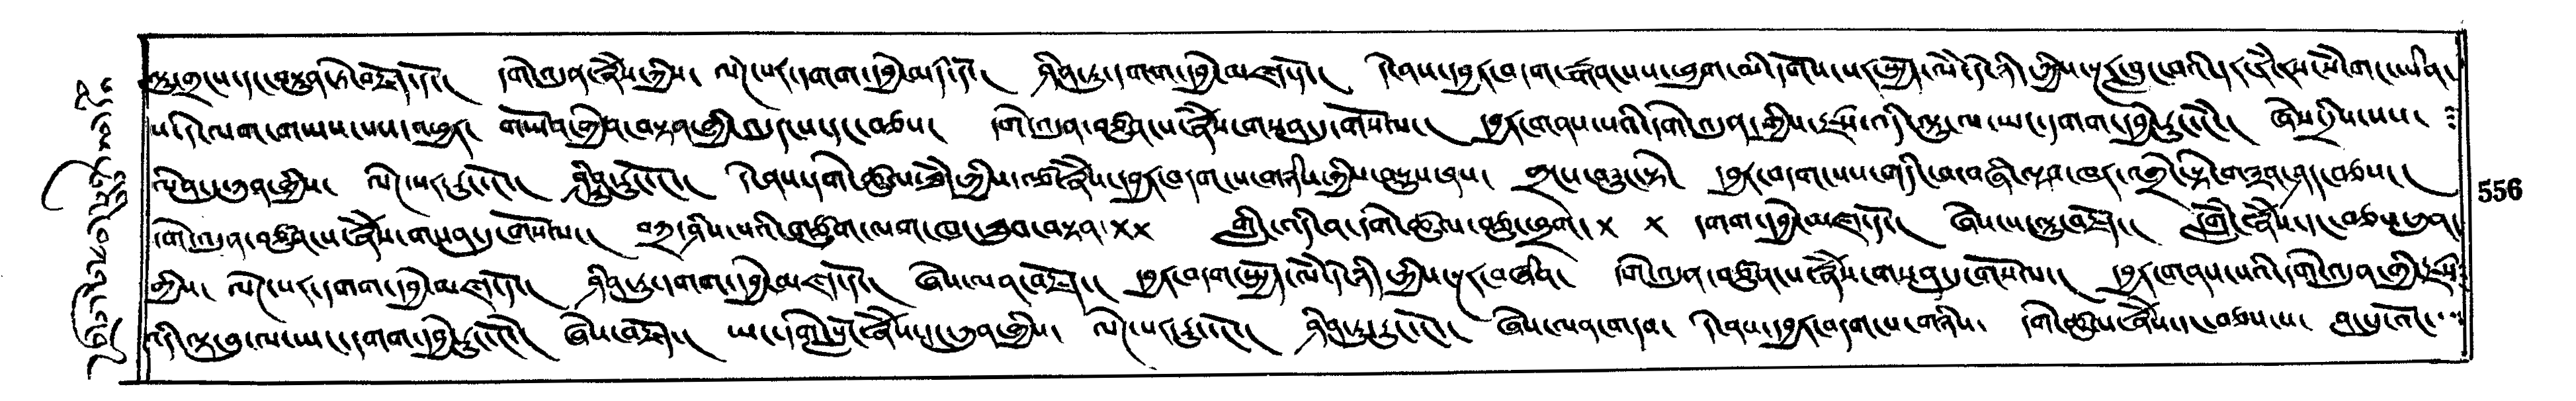ལྟ་བུ་གྲངས་དང་བསྟུན་ཏེ་བརྫོད་དོ། དགེ་འདུན་རྣམས་ཀྱིས། ལེགས་པར་དགག་དབྱེ་མཛད་དོ།། ཤིན་ཏུ་དགག་དབྱེ་མཛད་དོ།། དེ་ནས་དབྱར་བདག་རྒན་པས་ཕྱག་མི་དགོས་པར་སྤྱོད་ལམ་དེ་ཉིད་ཀྱིས་སྔར་བླངས་པའི་དར་རམ་རས་སམ་གང་ཡིན་
པ་དེ་ལག་གཡས་པས་འཕྱར། གཡོན་གྱིན་བསྟན་གྱིས་འདུད་པ་དང་བཅས། དགེ་འདུན་བཙུན་པ་རྣམས་གསན་དུ་གསོལ། དབྱར་གནས་པའི་དགེ་འདུན་གྱིས་རྫས་འདི་ལྟ་བུ་ལ་ཡང་དགག་དབྱེ་རུ་ངམ། ཞེས་དྲིས་པས།༴ 
ལན་དུ་ཀུན་ཀྱིས། ལེགས་པར་རུང་ངོ་།། ཤིན་ཏུ་རུང་ངོ་།། དེ་ནས་དགེ་ཚུལ་ཐམས་ཅད་ཀྱིས་རྩྭ་རྣམས་དབྱར་བདག་པ་གཉིས་ཀྱིས་བསྡུས་ནས། གྲངས་བཟུང་སྟེ། དབྱར་བདག་པས་གདིང་བ་བཞི་བལྟབ་ཁར་འགྲེང་སྟེ་གཟན་ཤད་བཅས། 
དགེ་འདུན་བཙུན་པ་རྣམས་གསན་དུ་གསོལ། བཀྲ་ཤིས་པའི་གཙུག་ལག་ཁང་ཐུབ་བསྟན་ xx xx གླིང་འདི་ན་དགེ་ཚུལ་བཅུ་ཕྲག་ xx xx དགག་དབྱེ་མཛད་དོ།། ཞེས་པ་ལྟ་བུ་བརྗོད། དགེ་སློང་རྣམས་དང་བཅས་ཀུན་
ཀྱིས། ལེགས་པར་དགག་དབྱེ་མཛད་དོ།། ཤིན་ཏུ་དགག་དབྱེ་མཛད་དོ།།ཞེས་ལན་བརྗོད། དབྱར་བདག་པ་སྤྱོད་ལམ་དེ་ཉིད་ཀྱིས་སྔར་བཞིན། དགེ་འདུན་བཙུན་པ་རྣམས་གསན་དུ་གསོལ། དབྱར་གནས་པའི་དགེ་འདུན་གྱི་རྫས་
འདི་ལྟ་བུ་ལ་ཡང་དགག་དབྱེ་རུང་ངམ། ཞེས་བརྗོད། ཡང་དགེ་སློང་རྣམས་དང་ཀུན་ཀྱིས། ལེགས་པར་རུང་ངོ་།། ཤིན་ཏུ་རུང་ངོ་།། ཞེས་ལན་གདབ། དེ་ནས་དབྱར་བདག་པ་གཉིས་དགེ་ཚུལ་རྣམས་དང་བཅས་པ། ནང་དུ་འོངས་